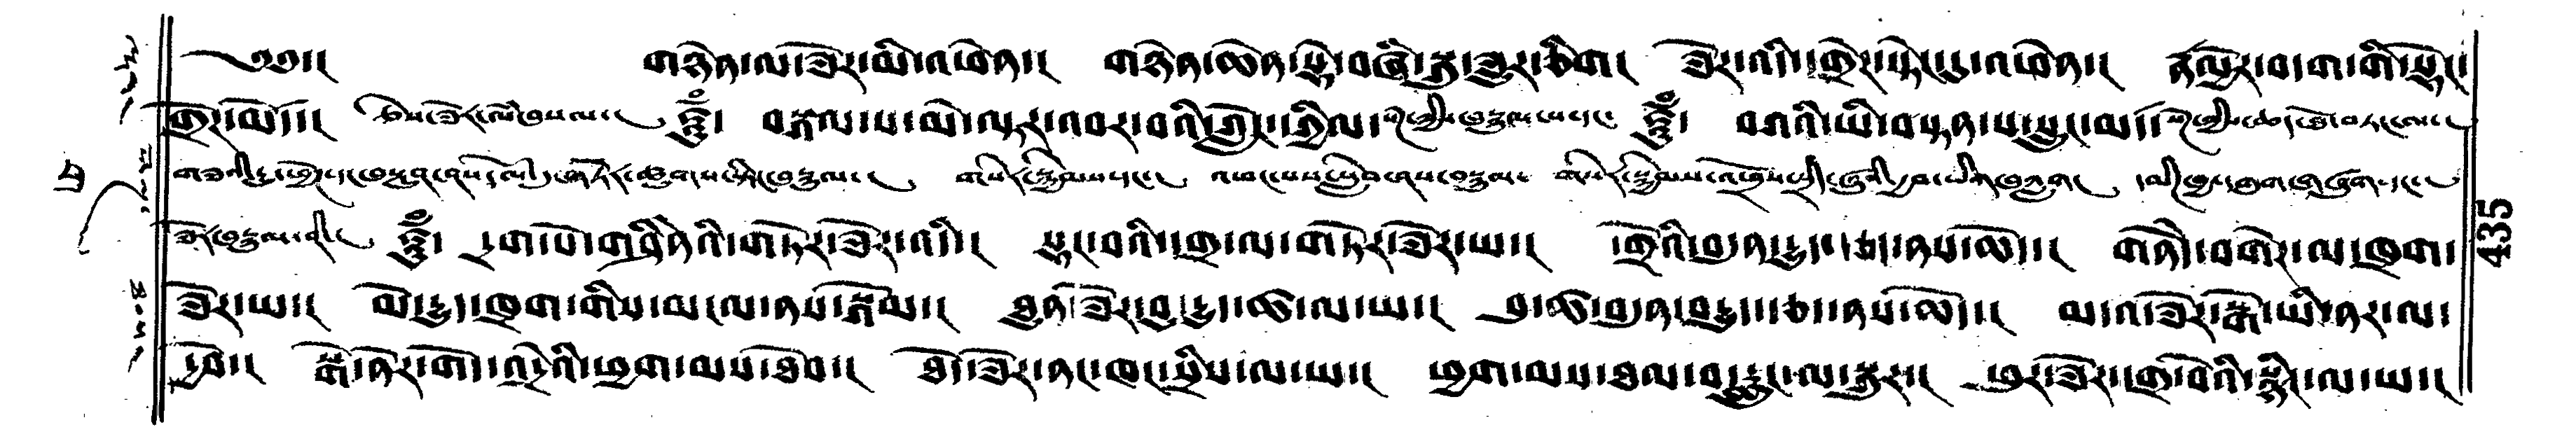གཉེན་ལ་ཟོར་མི་འཕེན། །གཉེན་ཆེན་སྡེ་བཞི་སྐུ་ཟུར་ཅིག །ཟོར་འདི་དགྲ་བགེགས་སྟེང་དུ་འཕེན། །རྣལ་འབྱོར་བདག་གི་སྡོང་
གྲོགས་མཛོད། ། ཅེས་ཟོར་ལམ་བསལ། ཧཱུྃ། བསྐལ་པ་མེ་ལྟར་འབར་བའི་ཀློང་དཀྱིལ་སོགས་ཀྱིས་སྐུལ་བ་དང་། ཧཱུྃ། བཀའ་ཡི་བསྟན་པ་སྲུང་མཛད་སོགས་ཀྱིས་ཆད་ཐོ་གཏོང་། 
གཟའི་རྒྱུ་ཕྱོགས་དང་བསྟུན་ནས་ལམ་དུ་གཏོར་ཚུགས་སྟིང་སྐུལ། གསེར་སྐྱེམས་དང་། འཕང་སར་སླེབ་ནས་བསྐུལ། གསེར་སྐྱེམས་འཕྲོས་སྲིད་ཞུའི་རྒྱབ་ཡིག་བཀླག དམིགས་བྱ་དགུག་གཞུག་དང་། 
ཟོར་སྐུལ་ནི། ཧཱུྃ། དྲག་པོ་གཤིན་རྗེའི་གཏོར་ཟོར་འདི། །སྡང་བའི་དགྲ་ལ་གཏོར་ཟོར་ཡང་། །དགྲ་བོའི་བདུན་རྒྱུད་རྩད་ནས་ཆོད། །གནོད་བྱེད་བགེགས་ལ་ཁྲག་
ཟོར་ཡ། །མོ་རྒྱུད་ཁྲག་གིས་མངལ་ནས་སྐོམས། །ཐུན་ཟོར་བུ་རྒྱུད་ཚ་ལ་ཡ། །བུ་ཚ་བདུན་བརྒྱུད་རྩད་ནས་ཆོད། །མདའ་ཟོར་སྒོ་ཡི་ནར་ལ་
རྒྱོབས། །སྒོ་ནོར་གོད་འདྲེ་ཕྱག་མས་ཐོབས། །ཐོད་ཟོར་ནང་ཁང་སྲིས་ལ་ཡ། །ཕྱག་མས་ཐལ་བ་རླུང་ལ་སྐུར། ཕུར་ཟོར་དགྲ་བོའི་སྙིང་ལ་ཡ།